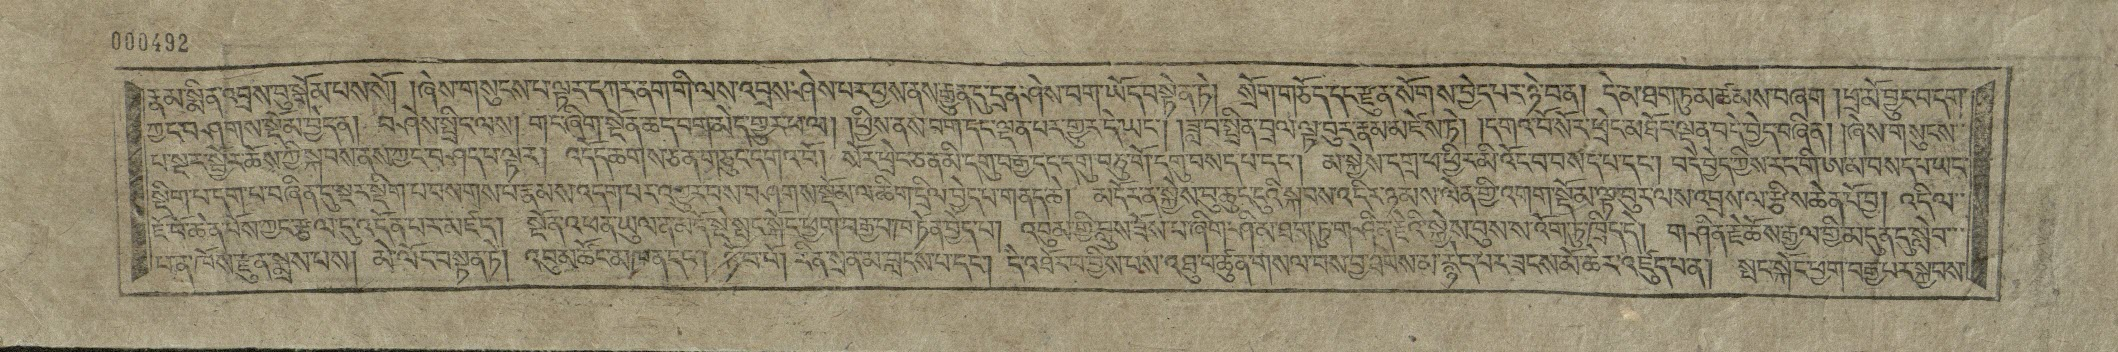རྣམ་སྨིན་འབྲས་བུ་སྒོམ་པས་སོ། །ཞེས་གསུངས་པ་ལྟར་དཀར་ནག་གི་ལས་འབྲས་ཤེས་པར་བྱས་ནས་རྒྱུན་དུ་དྲན་ཤེས་བག་ཡོད་བསྟེན་ཏེ། སྲོག་གཅོད་དང་རྫུན་སོགས་བྱེད་པར་ཉེ་བ་ན། དེ་མ་ཐག་ཏུ་མཚམས་བཞག །ཕྲ་མོ་བྱུང་བ་དག་
ཀྱང་བཤགས་སྡོམ་བྱེད་ན། བཤེས་སྤྲིང་ལས། གང་ཞིག་སྔོན་ཆད་བག་མེད་གྱུར་པ་ལ། །ཕྱིས་ནས་བག་དང་ལྡན་པར་གྱུར་དེ་ཡང་། །ཟླ་བ་སྤྲིན་བྲལ་ལྟ་བུར་རྣམ་མཛེས་ཏེ། །དགའ་བོ་སོར་ཕྲེང་མཐོང་ལྡན་བདེ་བྱེད་བཞིན། །ཞེས་གསུངས་
པ་སྔར་སྦྱོར་ཆོས་ཀྱི་སྐབས་ནས་ཀྱང་བཤད་པ་ལྟར། འདོད་ཆགས་ཅན་གཅུང་དགའ་བོ། སོར་ཕྲེང་ཅན་མི་དགུ་བརྒྱ་དང་དགུ་བཅུ་གོ་དགུ་བསད་པ་དང་། མ་སྐྱེས་དགྲ་ཕ་ཕྱིར་མི་འོང་བ་བསད་པ་དང་། བདེ་བྱེད་ཀྱིས་རང་གི་ཨ་མ་བསད་པ་ཡང་
སྡིག་པ་དག་པ་བཞིན་དུ་སྔར་སྡིག་པ་བསགས་པ་རྣམས་འདག་པར་འགྱུར་བས་བཤགས་སྡོམ་ལ་ཆིག་དྲིལ་བྱེད་པ་གནད་ཆེ། མདོར་ན་སྐྱེས་བུ་ཆུང་ངུའི་སྐབས་འདིར་ཉམས་ལེན་གྱི་འགག་སྡོམ་ལྟ་བུར་ལས་འབྲས་ལ་རྩིས་ཆེན་པོ་བྱ། འདི་ལ་
ཇོ་བོ་ཆེན་པོས་ཀྱང་རྩལ་དུ་འདོན་པར་མཛད། སྔོན་འཕན་ཡུལ་ན་མདོ་སྡེ་སྤང་སྐོང་ཕྱག་བརྒྱ་པ་ཁ་ཏོན་བྱེད་པ། འབུམ་གྱི་བླུས་ཟོས་པ་ཞིག་ཤི་མ་ཐག་ཏུ་གཤིན་རྗེའི་སྐྱེས་བུས་ས་འོག་ཏུ་ཁྲིད་དེ། གཤིན་རྗེ་ཆོས་རྒྱལ་གྱི་མདུན་དུ་སླེབ་
པ་ན་ཁོས་རྫུན་སྨྲས་པས། མེ་ལོང་བསྟན་ཏེ། འབུམ་ཚོང་མཁན་དང་། ཉོ་བ་པོ། རིན་སྲན་མ་བླངས་པ་དང་། དེ་འཐོར་བ་བྱིས་པས་འཐུ་བ་ཚུན་གསལ་བས་བྱ་ཐབས་མ་རྙེད་པར་ཟངས་མོ་ཆེར་འཛུད་པ་ན། སྤང་སྐོང་ཕྱག་བརྒྱ་པར་སྐྱབས་